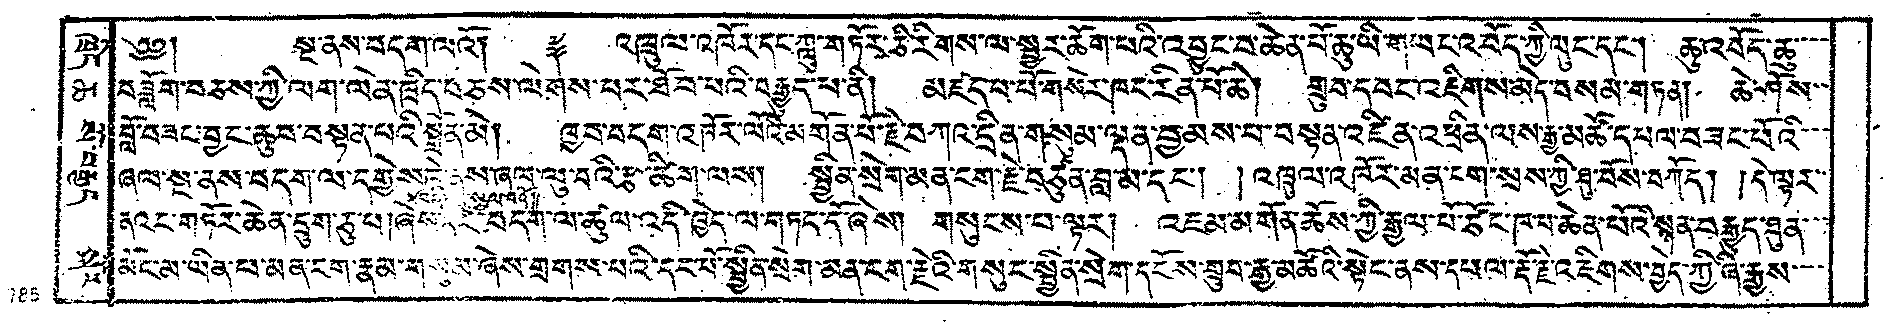༄༅། །སྔ་ནས་བདག་ལའོ། ༈ འཁྲུལ་འཁོར་དང་ཀླུ་གཏོར་ཅི་རིགས་ལ་སྦྱར་ཆོག་པའི་འབྱུང་བ་ཆེན་པོ་ཆུ་ཡི་གཡང་འབོད་ཀྱི་ལུང་དང་། ཆུ་འབོད་ཆུ་
བཟློག་བཅས་ཀྱི་ལག་ལེན་ཁྲིད་བཅས་ལེགས་པར་ཐོབ་པའི་བརྒྱུད་པ་ནི། མཛད་པ་པོ་གསེར་ཁང་རིན་པོ་ཆེ། གྲུབ་དབང་འཇིགས་མེད་བསམ་གཏན། ཆེ་ཤོས་
བློ་བཟང་བྱང་ཆུབ་བསྟན་པའི་སྒྲོན་མེ། ཁྱབ་བདག་འཁོར་ལོའི་མགོན་པོ་རྗེ་བཀའ་དྲིན་གསུམ་ལྡན་བྱམས་པ་བསྟན་འཛིན་འཕྲིན་ལས་རྒྱ་མཚོ་དཔལ་བཟང་པོའི་
ཞལ་སྔ་ནས་བདག་ལ་དགྱེས་བཞིན་དུ་སྩལ་བའོ། །དེ་ནས་ཞལ་ལུ་བའི་རྩ་ཚིག་ལས། སྦྱིན་སྲེག་མན་ངག་རྗེ་བཙུན་བླ་མ་དང་། །འཁྲུལ་འཁོར་མན་ངག་སྲས་ཀྱི་ཐུ་བོས་བཀོད། །དེ་ལྟར་
ནའང་གཏོར་ཆེན་དྲུག་ཅུ་པ། ཞེས་དང་བདག་ལ་ཚུལ་འདི་ཁྱེད་ལ་གཏང་དོ་ཞེས། གསུངས་པ་ལྟར། འཇམ་མགོན་ཆོས་ཀྱི་རྒྱལ་པོ་ཙོང་ཁ་པ་ཆེན་པོའི་སྙན་བརྒྱུད་ཐུན་
མོང་མ་ཡིན་པ་མན་ངག་རྣམ་གསུམ་ཞེས་གྲགས་པའི་དང་པོ་སྦྱིན་སྲེག་མན་ངག་རྗེའི་གསུང་སྦྱིན་སྲེག་དངོས་གྲུབ་རྒྱ་མཚོའི་སྟེང་ནས་དཔལ་རྡོ་རྗེ་འཇིགས་བྱེད་ཀྱི་ཞི་རྒྱས་